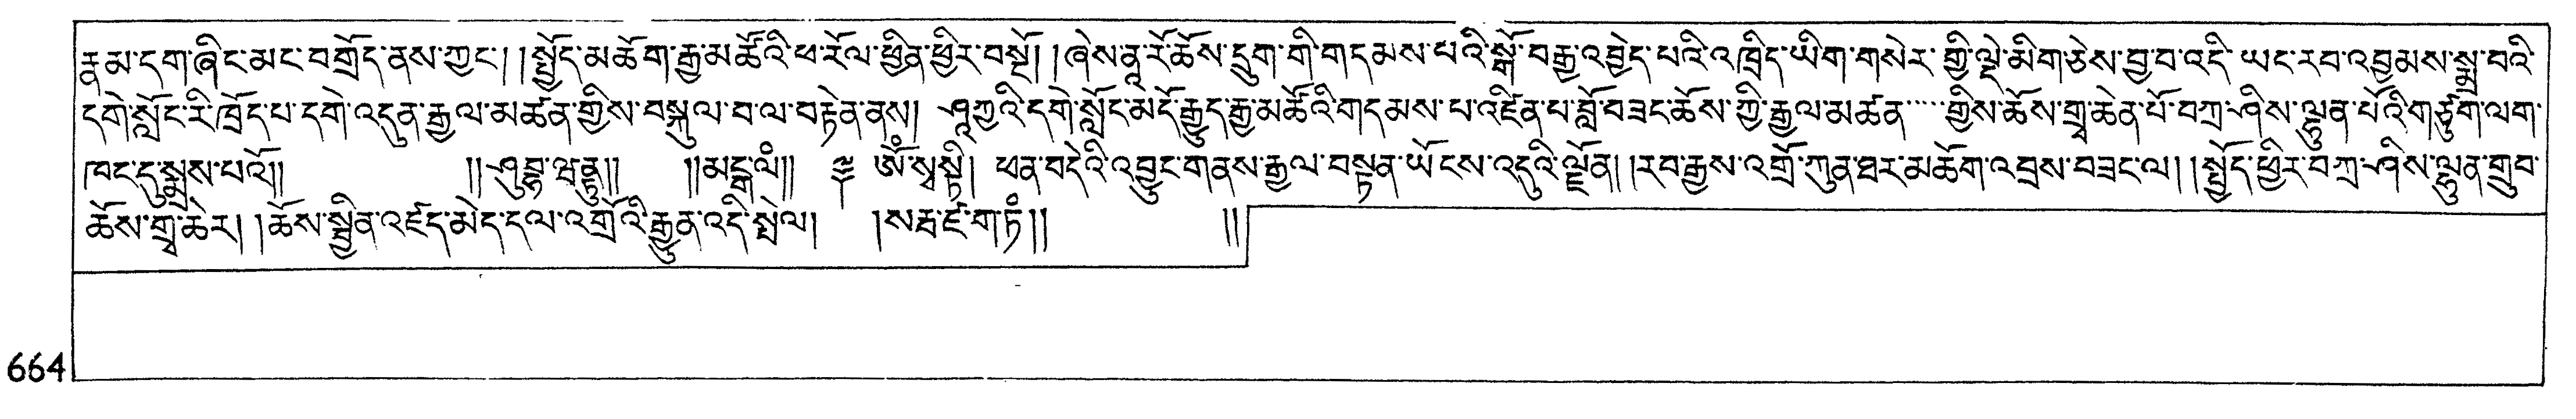རྣམ་དག་ཞིང་མང་བགྲོད་ནས་ཀྱང་། །སྤྱོད་མཆོག་རྒྱ་མཚོའི་ཕ་རོལ་ཕྱིན་ཕྱིར་བསྔོ། །ཞེས་ནཱ་རོ་ཆོས་དྲུག་གི་གདམས་པའི་སྒོ་བརྒྱ་འབྱེད་པའི་འཁྲིད་ཡིག་གསེར་གྱི་ལྡེ་མིག་ཅེས་བྱ་བ་འདི་ཡང་རབ་འབྱམས་སྨྲ་བའི་
དགེ་སློང་རི་ཁྲོད་པ་དགེ་འདུན་རྒྱལ་མཚན་གྱིས་བསྐུལ་བ་ལ་བརྟེན་ནས། ཤཱཀྱའི་དགེ་སློང་མདོ་རྒྱུད་རྒྱ་མཚོའི་གདམས་པ་འཛིན་པ་བློ་བཟང་ཆོས་ཀྱི་རྒྱལ་མཚན་གྱིས་ཆོས་གྲྭ་ཆེན་པོ་བཀྲ་ཤིས་ལྷུན་པོའི་གཙུག་ལག་
ཁང་དུ་སྨྲས་པའོ།། །།ཤུབྷ་ཝནྟུ།། །།མངྒ་ལཾ།། ༈ ཨོཾ་སྭ་སྟི། ཕན་བདེའི་འབྱུང་གནས་རྒྱལ་བསྟན་ཡོངས་འདུའི་ལྗོན། །རབ་རྒྱས་འགྲོ་ཀུན་ཐར་མཆོག་འབྲས་བཟང་ལ། །སྤྱོད་ཕྱིར་བཀྲ་ཤིས་ལྷུན་གྲུབ་
ཆོས་གྲྭ་ཆེར། །ཆོས་སྦྱིན་འཛད་མེད་དལ་འགྲོའི་རྒྱུན་འདི་སྤེལ། །སརྦ་ཛ་ག་ཏཾ།། །།